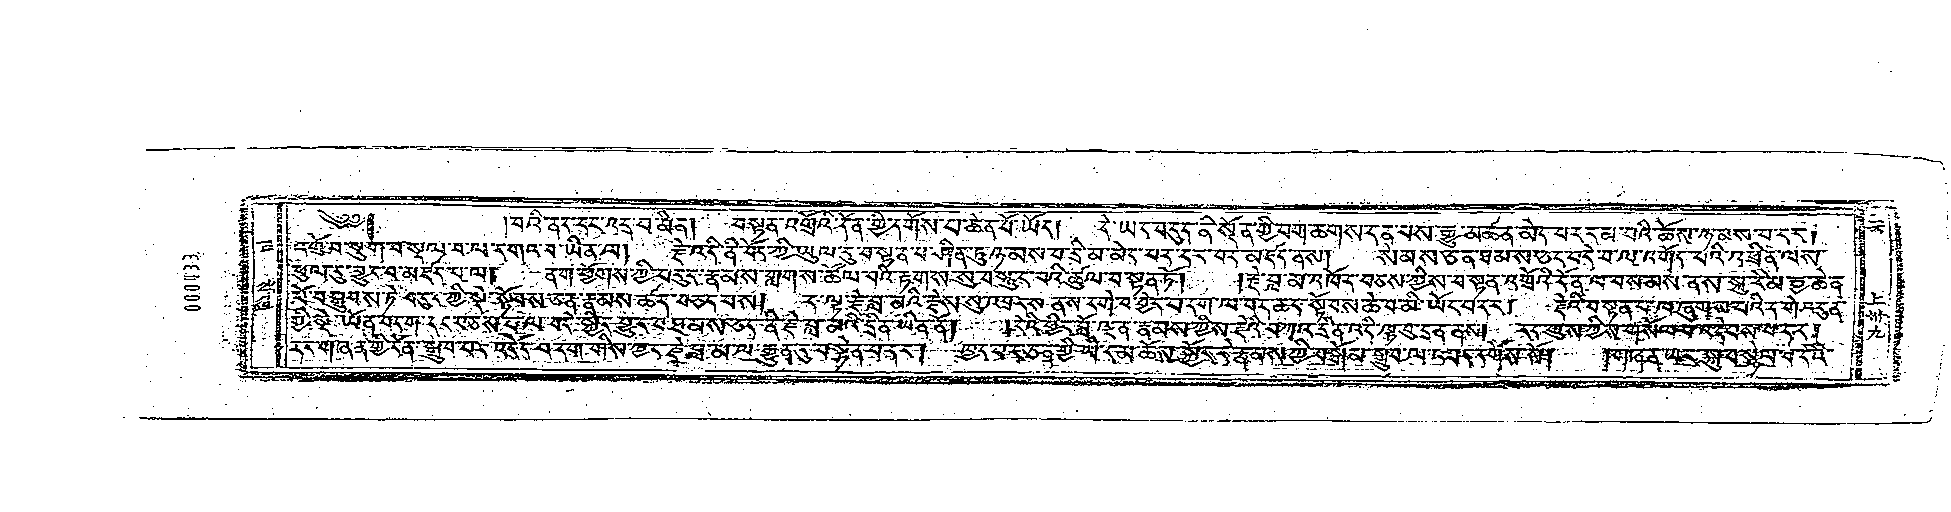༄༅། །བའི་ནང་དང་འདྲ་བ་མིན། བསྟན་འགྲོའི་དོན་གྱི་དགོས་པ་ཆེན་པོ་ཡོད། དེ་ཡང་བདུད་ནི་སྔོན་གྱི་བག་ཆགས་ངན་པས་རྒྱུ་མཚན་མེད་པར་དམ་པའི་ཆོས་ཉམས་པ་དང་།
འགྲོ་བ་སྡུག་བསྔལ་བ་ལ་དགའ་བ་ཡིན་ལ། རྗེ་འདི་ནི་བོད་ཀྱི་ཡུལ་དུ་བསྟན་པ་ཤིན་ཏུ་ཉམས་བ་དྲི་མ་མེད་པར་ངར་བར་མཛད་ནས། སེམས་ཅན་ཐམས་ཅད་བདེ་བ་ལ་འགོད་པའི་འཕྲིན་ལས་
ཕུལ་དུ་བྱུང་བ་མཛད་པ་ལ། ནག་ཕྱོགས་ཀྱི་བདུད་རྣམས་གླགས་ཚོལ་བའི་རྟགས་སུ་བསྙུང་བའི་ཚུལ་བསྟན་ཏོ། །རྗེ་བླ་མ་འཁོར་བཅས་ཀྱིས་བསྟན་འགྲོའི་དོན་ལ་བསམས་ནས་སྐུ་རིམ་རྒྱ་ཆེན་
པོ་བསྒྲུབས་ཏེ་བདུད་ཀྱི་སྡེ་སྟོབས་ཅན་རྣམས་ཚར་བཅད་པས། ད་ལྟ་རྗེ་བླ་མའི་རྗེས་སུ་འབྲངས་ནས་དགེ་བ་བྱེད་བ་དག་ལ་བར་ཆད་སྟོབས་ཆེ་བ་མི་ཡོང་བ་དང་། རྗེའི་བསྟན་པ་ལ་ཞུགས་པའི་དགེ་འདུན་
གྱི་སྡེ་ཡོན་བདག་དང་བཅས་བ་ལ་བདེ་སྐྱིད་བྱུང་བ་ཐམས་ཅད་ནི་རྗེ་བླ་མའི་དྲིན་ཡིན་ནོ། །དེའི་ཕྱིར་བློ་ལྡན་རྣམས་ཀྱིས་རྗེའི་བཀའ་དྲིན་འདི་ལྟ་བུ་དྲན་ནས། དད་གུས་ཀྱིས་གསོལ་བ་འདེབས་པ་དང་།
རང་གཞན་གྱི་དོན་སྒྲུབ་བར་འདོད་པ་དག་གིས་ཀྱང་རྗེ་བླ་མ་ལ་རྒྱུན་དུབ་སྟེན་པ་དང་། ཁྱད་པར་ཅན་གྱི་ཡི་དམ་ཆོས་སྐྱོད་དེ་རྣམས་ཀྱི་བསྒོམ་སྒྲུབ་ལ་འབད་དགོས་སོ། །གཞན་ཡང་སྐུ་བསྙེལ་པ་དེའི་